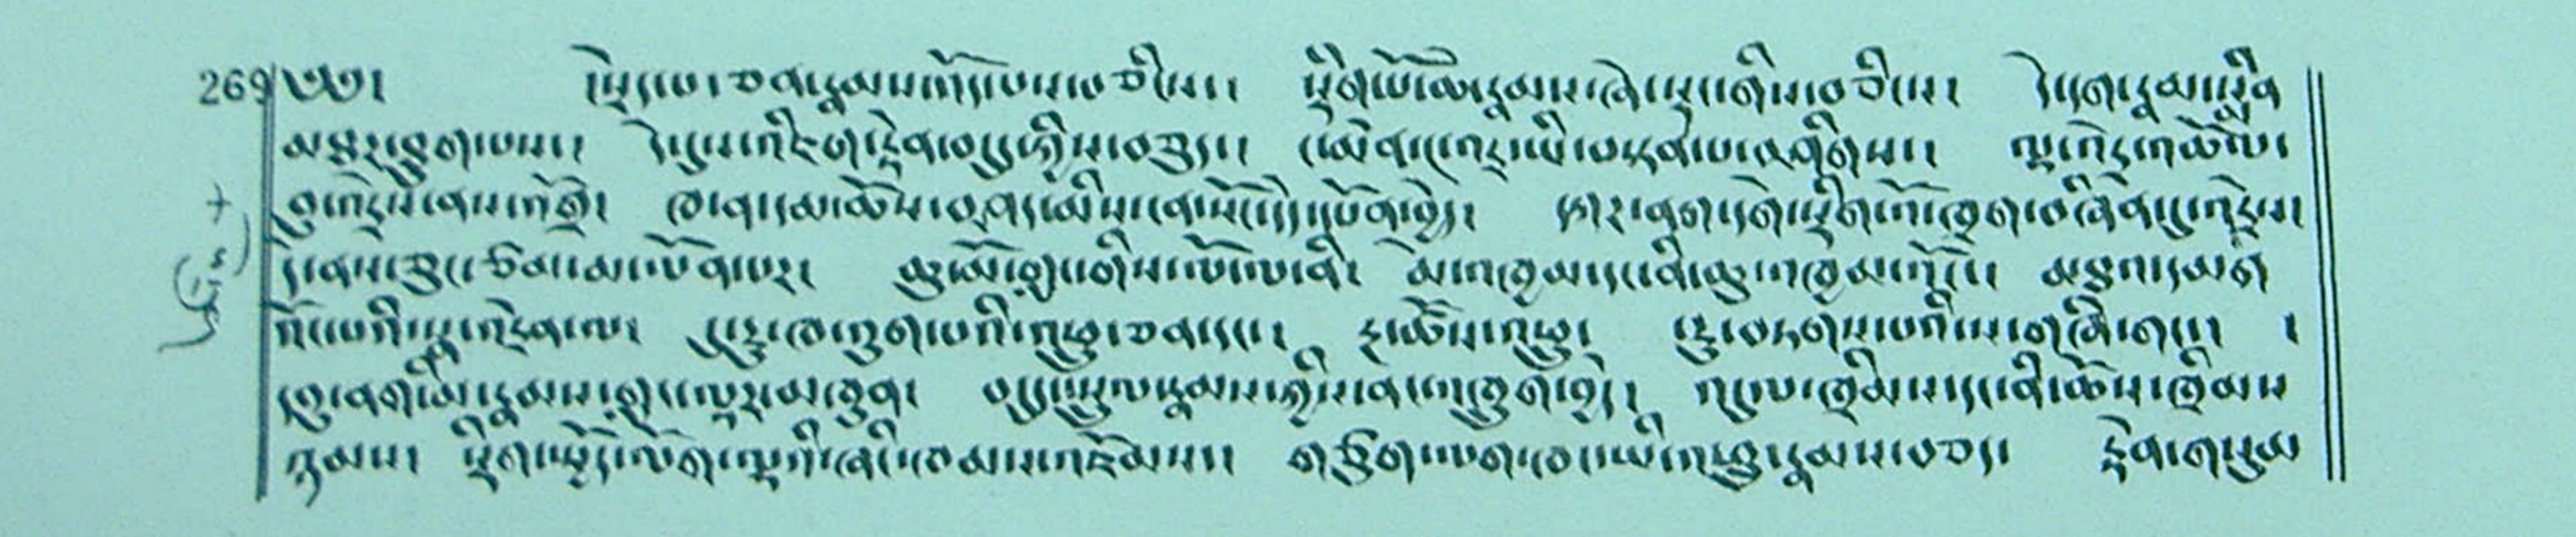༄༅། །སྲེད་པ་ཅན་རྣམས་འདོད་པས་བཅིངས། སྡིག་པོ་ཆེ་རྣམས་ཞེ་སྡང་གིས་བཅིངས། དེ་དག་རྣམ་སྨིན་
མཐར་ཐུག་པས། དེ་དུས་འཇིག་རྟེན་བདུད་ཀྱིས་བཅུད། ང་མིན་ང་འདྲ་ཡི་བསྟན་པ་བཤིགས། ལྷ་འདྲེ་འཆོལ་
བུར་འདྲེས་ནས་འགྲོ། ཁ་ནས་དམ་ཆོས་བཤད་མིས་ངན་སོང་དེད་དཔོན་བྱེད། དཀར་ནག་དགེ་སྡིག་འོ་ཁྲག་འདྲེ་བཞིན་འགྲོ། 
དེ་ནས་ཅུང་ཙམ་མ་ལོན་པར། ཆུ་མོ་གླང་གི་ལོ་ལ་ནི། མེ་འཁྱམས་དང་ནི་ཆུ་འཁྱམས་འོང་། མཐའ་དམག་
འོང་བའི་སྣ་འདྲེན་ལ། དུ་རུ་ཁ་འུག་པའི་འཕྲུ་ཅན་དང་། རྔ་ཆོས་འཕྲུ་རུ་བཏགས་པས་ས་གཞི་གང་། 
དབུ་ནག་མི་རྣམས་གླང་ལྟར་མཁུན། བདུད་སྤྲུལ་རྣམས་ཀྱིས་ནང་འཁྲུགས་བྱེད། འདུལ་ཁྲིམས་དང་ནི་ཆོས་ཁྲིམས་
ཉམས། སྡིག་སྤྱོད་ལོག་ལྟའི་ཞིང་ཁམས་འཇོམས། གཙུག་ལག་ཁང་གི་འཕྲུ་རྣམས་བཅད། རྟེན་གསུམ་